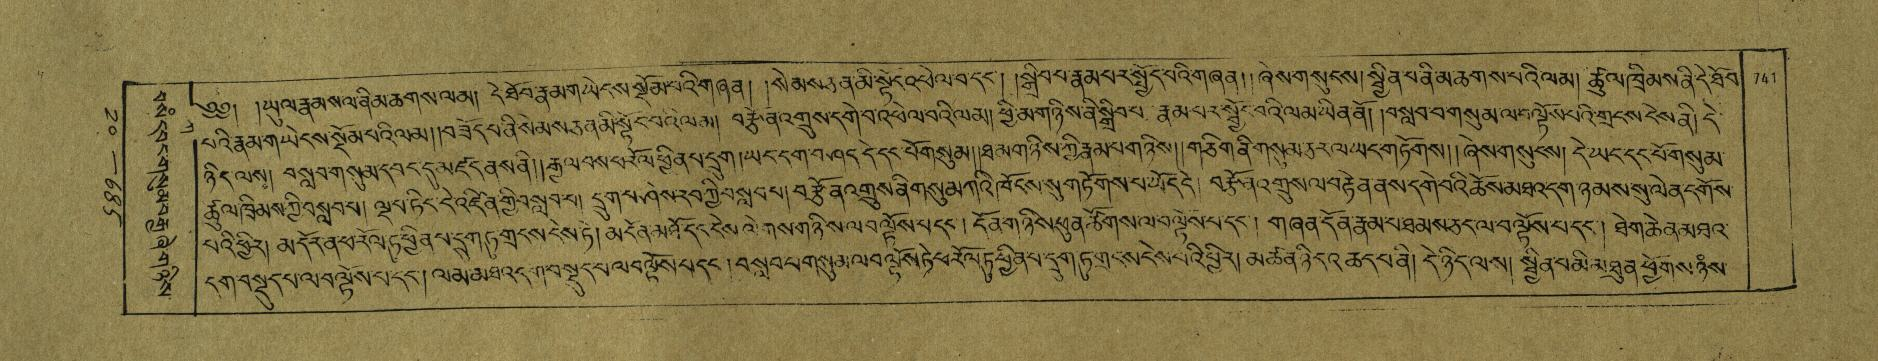༄༅། །ཡུལ་རྣམས་ལ་ནི་མ་ཆགས་ལམ། དེ་ཐོབ་རྣམ་གཡེངས་སྡོམ་པའི་གཞན། །སེམས་ཅན་མི་སྟོང་འཕེལ་བ་དང་། །སྒྲིབ་པ་རྣམ་པར་སྤྱོད་པའི་གཞན། །ཞེས་གསུངས། སྦྱིན་པ་ནི་མ་ཆགས་པའི་ལམ། ཚུལ་ཁྲིམས་ནི་དེ་ཐོབ་
པའི་རྣམ་གཡེངས་སྡོམ་པའི་ལམ། །བཟོད་པ་ནི་སེམས་ཅན་མི་སྟོང་བའི་ལམ། བརྩོན་འགྲུས་དགེ་བ་འཕེལ་བའི་ལམ། ཕྱི་མ་གཉིས་ནི་སྒྲིབ་པ་རྣམ་པར་སྦྱོང་བའི་ལམ་ཡིན་ནོ། །བསླབ་པ་གསུམ་ལ་བལྟོས་པའི་གྲངས་ངེས་ནི། དེ་
ཉིད་ལས། བསླབ་གསུམ་དབང་དུ་མཛད་ནས་ནི། །རྒྱལ་བས་ཕ་རོལ་ཕྱིན་པ་དྲུག །ཡང་དག་བཤད་དེ་དང་པོ་གསུམ། །ཐ་མ་གཉིས་ཀྱི་རྣམ་པ་གཉིས། །གཅིག་ནི་གསུམ་ཅར་ལ་ཡང་གཏོགས། །ཞེས་གསུངས། དེ་ཡང་དང་པོ་གསུམ་
ཚུལ་ཁྲིམས་ཀྱི་བསླབ་པ། ལྔ་པ་ཏིང་ངེ་འཛིན་གྱི་བསླབ་པ། དྲུག་པ་ཤེས་རབ་ཀྱི་བསླབ་པ། བརྩོན་འགྲུས་ནི་གསུམ་ཀའི་ཁོངས་སུ་གཏོགས་པ་ཡོད་དེ། བརྩོན་འགྲུས་ལ་བརྟེན་ནས་དགེ་བའི་ཆོས་མཐའ་དག་ཉམས་སུ་ལེན་དགོས་
པའི་ཕྱིར། མདོར་ན་ཕ་རོལ་ཏུ་ཕྱིན་པ་དྲུག་ཏུ་གྲངས་ངེས་ཏེ། མངོན་མཐོ་དང་ངེས་ལེགས་གཉིས་ལ་བལྟོས་པ་དང་། དོན་གཉིས་ཕུན་ཚོགས་ལ་བལྟོས་པ་དང་། གཞན་དོན་རྣམ་པ་ཐམས་ཅད་ལ་བལྟོས་པ་དང་། ཐེག་ཆེན་མཐའ་
དག་བསྡུད་པ་ལ་བལྟོས་པ་དང་། ལམ་མཐའ་དག་བསྡུད་པ་ལ་བལྟོས་པ་དང་། བསླབ་པ་གསུམ་ལ་བལྟོས་ཏེ་ཕ་རོལ་ཏུ་ཕྱིན་པ་དྲུག་ཏུ་གྲངས་ངེས་པའི་ཕྱིར། མཚན་ཉིད་འཆད་པ་ནི། དེ་ཉིད་ལས། སྦྱིན་པ་མི་མཐུན་ཕྱོགས་ཉཾས་